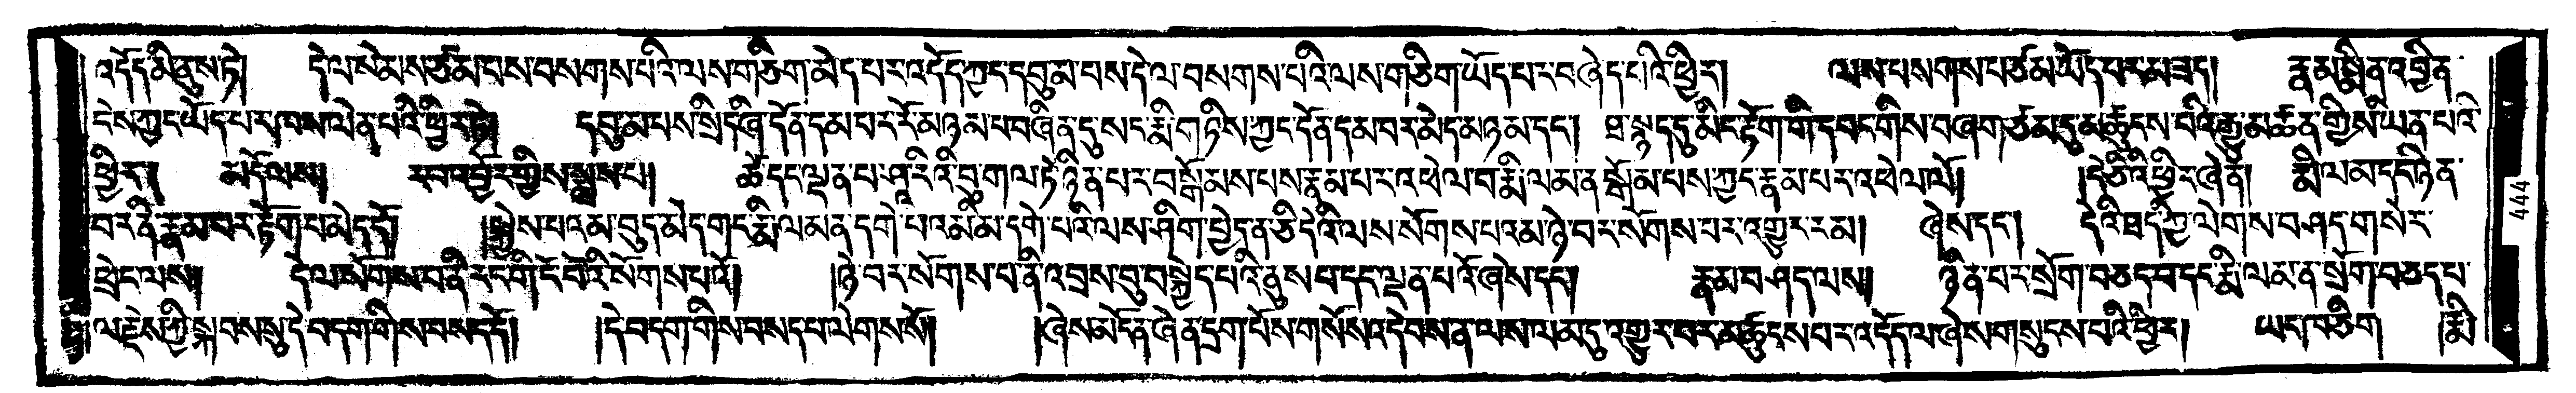འདོད་མི་ནུས་ཏེ། དེ་ལ་སེམས་ཙམ་བས་བསགས་པའི་ལས་གཅིག་མེད་པར་འདོད་ཀྱང་དབུ་མ་པས་དེ་ལ་བསགས་པའི་ལས་གཅིག་ཡོད་པར་བཞེད་པའི་ཕྱིར། ལས་བསགས་པ་ཙམ་ཡོད་པར་མ་ཟད། རྣམ་སྨིན་འབྱིན་
ངེས་ཀྱང་ཡོད་པར་ཁས་ལེན་པའི་ཕྱིར་ཏེ། དབུ་མ་པས་སྲིད་ཞི་དོན་དམ་པར་རོ་མཉམ་པ་བཞིན་དུ་སང་རྨི་གཉིས་ཀྱང་དོན་དམ་པར་མེད་མཉམ་དང་། ཐ་སྙད་དུ་མིང་རྟོག་གི་དབང་གིས་བཞག་ཙམ་དུ་མཚུངས་པའི་རྒྱུ་མཚན་གྱིས་ཡིན་པའི་
ཕྱིར༑ མདོ་ལས། རབ་འབྱོར་གྱིས་སྨྲས་པ། ཚེ་དང་ལྡན་པ་ཤཱ་རིའི་བུ་གལ་ཏེ་ཉིན་པར་བསྒོམས་པས་རྣམ་པར་འཕེལ་བ་རྨི་ལམ་ན་སྒོམ་པས་ཀྱང་རྣམ་པར་འཕེལ་ལོ། །དེ་ཅིའི་ཕྱིར་ཞེ་ན། རྨི་ལམ་དང་ཉིན་
བར་ནི་རྣམ་པར་རྟོག་པ་མེད་དོ། །སྐྱེས་པའམ་བུད་མེད་གང་རྨི་ལམ་ན་དགེ་པའམ་མི་དགེ་པའི་ལས་ཤིག་བྱེད་ན་ཅི་དེའི་ལས་སོགས་པའམ་ཉེ་བར་སོགས་པར་འགྱུར་རམ། ཞེས་དང་། དེའི་ཐད་ཀྱི་ལེགས་བཤད་གསེར་
ཕྲེང་ལས། དེ་ལ་སོགས་པ་ནི་རང་གི་ངོ་བོའི་སོགས་པའོ། །ཉེ་བར་སོགས་པ་ནི་འབྲས་བུ་བསྐྱེད་པའི་ནུས་པ་དང་ལྡན་པའོ་ཞེས་དང་། རྣམ་བཤད་ལས། ཉིན་པར་སྲོག་བཅད་པ་དང་རྨི་ལམ་ན་སྲོག་བཅད་པ་
ལ་རྗེས་ཀྱི་སྐབས་སུ་དེ་བདག་གིས་བསད་དོ། །དེ་བདག་གིས་བསད་པ་ལེགས་སོ། །ཞེས་མངོན་ཞེན་དྲག་པོས་གསོས་འདེབས་ན་ལས་ལམ་དུ་འགྱུར་བར་མཚུངས་པར་འདོད་ལ་ཞེས་གསུངས་པའི་ཕྱིར། ཡང་ཁ་ཅིག །རྨི་